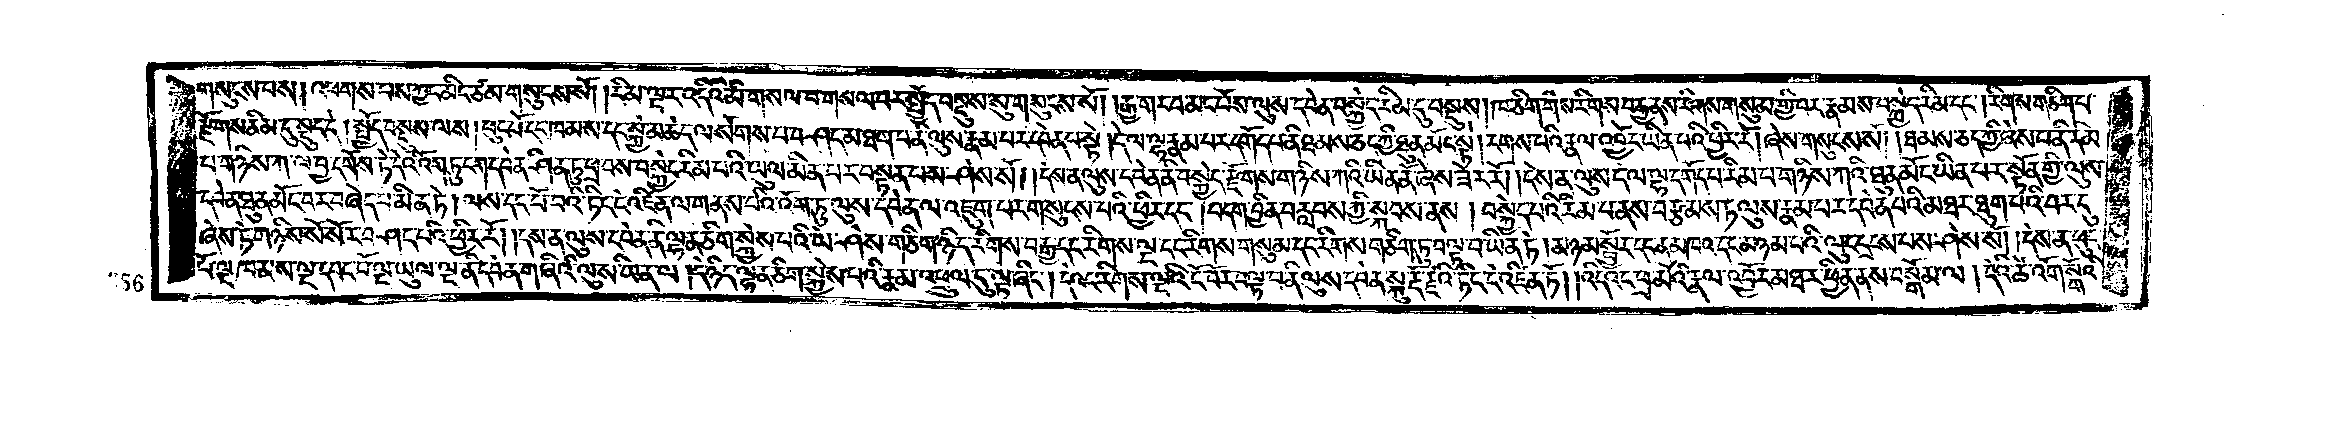གསུངས་པས། འཕགས་པས་ཀྱང་མིང་ཙམ་གསུངས་སོ། །རིམ་ལྔར་འདིའི་མི་གསལ་བ་གསལ་བར་སྤྱོད་བསྡུས་སུ་གསུངས་སོ། །རྒྱ་གར་བ་མང་པོས་ལུས་དབེན་བསྐྱེད་རིམ་དུ་བསྡུས། །ཁ་ཅིག་གི་རིགས་བརྒྱ་ནས་རིགས་གསུམ་གྱི་བར་རྣམས་བསྐྱེད་རིམ་དང་། རིམ་གཅིག་པ་
རྫོགས་རིམ་དུ་སྡུད་དེ། སྤྱོད་བསྡུས་ལས། ཕུང་པོ་དང་ཁམས་དང་སྐྱེ་མཆེད་ལ་སོགས་པ་བཤད་མ་ཐག་པ་ནི་ལུས་རྣམ་པར་དབེན་པ་སྟེ། དེ་ལ་ལྷ་རྣམ་པར་དགོད་པ་ནི་ཐམས་ཅད་ཀྱི་ཐུན་མོང་སྟེ། རགས་པའི་རྣལ་འབྱོར་ཡིན་པའི་ཕྱིར་རོ། ཞེས་གསུངས་སོ། །ཐམས་ཅད་ཀྱི་ཞེས་པ་ནི་རིམ་
པ་གཉིས་ཀ་ལ་བྱ་དགོས་ཏེ་དེའི་འོག་ཏུ་ངག་དབེན་ཤིན་ཏུ་ཕྲ་བས་བསྐྱེད་རིམ་པའི་ཡུལ་མིན་པར་བསྟན་པས་ཤེས་སོ། །དེས་ན་ལུས་དབེན་ནི་བསྐྱེད་རྫོགས་གཉིས་ཀའི་ཡིན་ནོ་ཞེས་ཟེར་རོ། །དེས་ན་ལུས་དེ་ལ་ལྷ་དགོད་པ་རིམ་པ་གཉིས་ཀའི་ཐུན་མོང་ཡིན་པར་སྟོན་གྱི་ལུས་
དབེན་ཐུན་མོང་བར་བཞེད་པ་མིན་ཏེ། ལས་དང་པོ་བའི་ཏིང་ངེ་འཛིན་ལ་གནས་པའི་འོག་ཏུ་ལུས་དབེན་ལ་འཇུག་པར་གསུངས་པའི་ཕྱིར་དང་། བདག་བྱིན་བརླབས་ཀྱི་སྐབས་ནས། བསྐྱེད་པའི་རིམ་པ་ནས་བརྩམས་ཏེ་ལུས་རྣམ་པར་དབེན་པའི་མཐར་ཐུག་པའི་བར་དུ་
ཞེས་ཏེ་གཉིས་སོ་སོར་བཤད་པའི་ཕྱིར་རོ། །དེས?་ན་ལུས་དབེན་ནི་ལྷན་ཅིག་སྐྱེས་པའི་ཡེ་ཤེས་གཅིག་ཉིད་རིགས་བརྒྱ་དང་རིགས་ལྔ་དང་རིགས་གསུམ་དང་རིགས་གཅིག་ཏུ་བལྟ་བ་ཡིན་ཏེ། མཉམ་སྦྱོར་དང་ནམ་མཁའ་དང་མཉམ་པའི་ལུང་དྲངས་པས་ཤེས་སོ། །དེས་ན་ཕུང་
པོ་ལྔ་ཁམས་ལྔ་དབང་པོ་ལྔ་ཡུལ་ལྔ་ནི་དབེན་གཞིའི་ལུས་ཡིན་ལ། དེ་ཉིད་ལྷན་ཅིག་སྐྱེས་པའི་རྣམ་འཕྲུལ་དུ་ལྟ་ཞིང་། དེའང་རིགས་ལྔའི་ངོ་བོར་བལྟ་བ་ནི་ལུས་དབེན་སྐུ་རྡོ་རྗེའི་ཏིང་ངེ་འཛིན་ཏོ། །འདིའང་ཕྲ་མོའི་རྣལ་འབྱོར་མཐར་ཕྱིན་ནས་བསྒོམ་ལ། དེའི་ཚེ་འོག་སྒོའི་